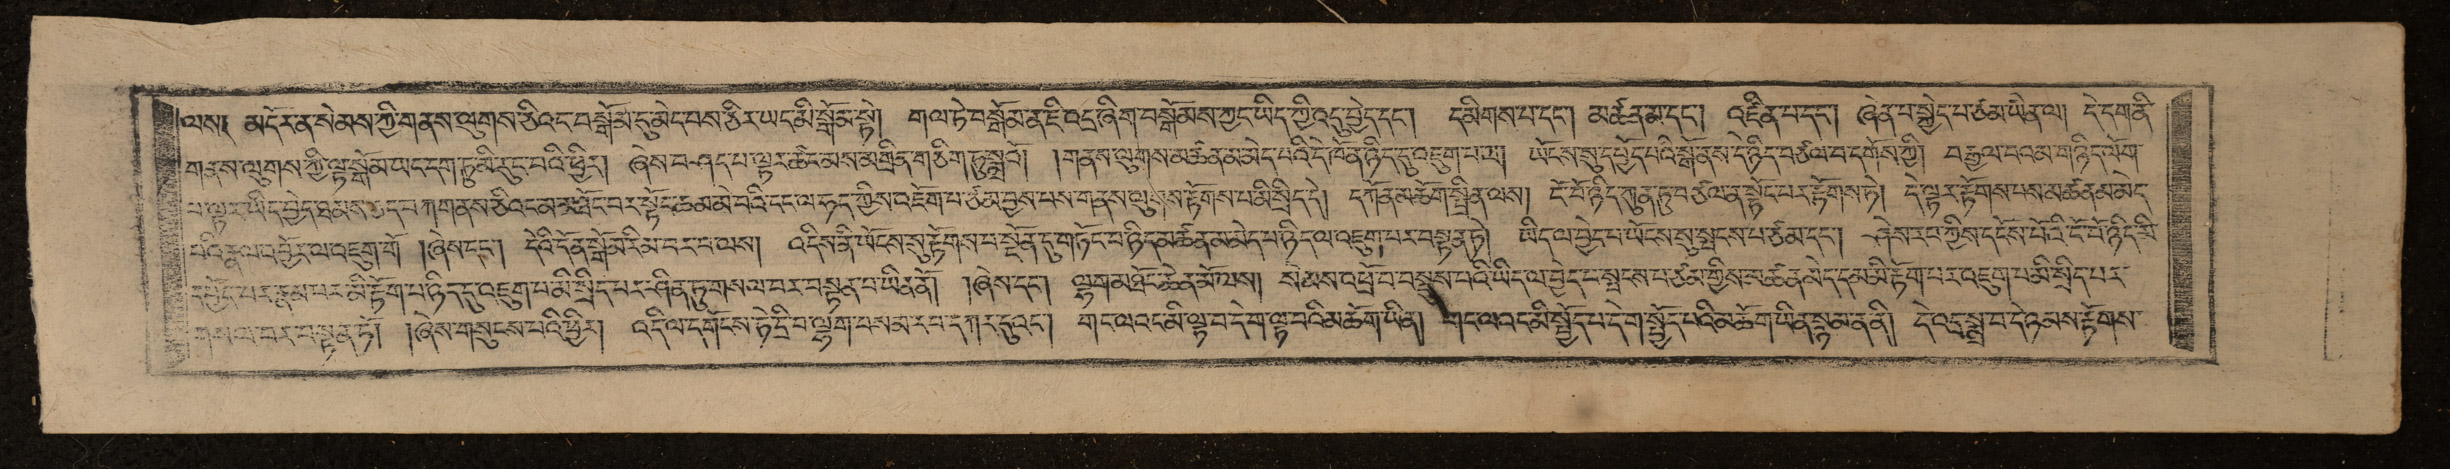ལས༑ མདོར་ན་སེམས་ཀྱི་གནས་ལུགས་ཅིའང་བསྒོམ་དུ་མེད་པས་ཅིར་ཡང་མི་སྒོམ་སྟེ། གལ་ཏེ་བསྒོམ་ན་ཇི་འདྲ་ཞིག་བསྒོམས་ཀྱང་ཡིད་ཀྱི་འདུ་བྱེད་དང་། དམིགས་པ་དང་། མཚན་མ་དང་། འཛིན་པ་དང་། ཞེན་པ་སྐྱེད་པ་ཙམ་ཡིན་ལ། དེ་དག་ནི་
གནས་ལུགས་ཀྱི་ལྟ་སྒོམ་ཡང་དག་ཏུ་མི་རུང་བའི་ཕྱིར། ཞེས་བཤད་པ་ལྟར་ཚང་མས་མགྲིན་གཅིག་ཏུ་སྨྲའོ། །གནས་ལུགས་མཚན་མ་མེད་པའི་དེ་ཁོ་ན་ཉིད་དུ་འཇུག་པ་ལ། ཡོངས་སུ་དཔྱོད་པའི་སྒོ་ནས་དེ་ཉིད་བཙལ་བ་དགོས་ཀྱི། བརྒྱལ་བའམ་གཉིད་ལོག་
པ་ལྟར་ཡིད་བྱེད་ཐམས་ཅད་བགག་ནས་ཅིའང་མ་མཐོང་བར་སྟོང་ཆམ་མེ་བའི་ངང་ལ་ཧད་ཀྱིས་འཇོག་པ་ཙམ་བྱས་པས་གནས་ལུགས་རྟོགས་པ་མི་སྲིད་དེ། དཀོན་མཆོག་སྤྲིན་ལས། ངོ་བོ་ཉིད་ཀུན་ཏུ་བཙལ་ན་སྟོང་བར་རྟོགས་ཏེ། དེ་ལྟར་རྟོགས་བས་མཚན་མ་མེད་
པའི་རྣལ་འབྱོར་ལ་འཇུག་གོ །ཞེས་དང་། དེའི་དོན་སྒོམ་རིམ་བར་པ་ལས། འདིས་ནི་ཡོངས་སུ་རྟོགས་པ་སྔོན་དུ་གཏོང་བ་ཉིད་མཚན་མ་མེད་པ་ཉིད་ལ་འཇུག་པར་བསྟན་ཏེ། ཡིད་ལ་བྱེད་པ་ཡོངས་སུ་སྤངས་པ་ཙམ་དང་། ཤེས་རབ་ཀྱིས་དངོས་པོའི་ངོ་བོ་ཉིད་མི་
དཔྱོད་པར་རྣམ་པར་མི་རྟོག་པ་ཉིད་དུ་འཇུག་པ་མི་སྲིད་པར་ཤིན་ཏུ་གསལ་བར་བསྟན་པ་ཡིན་ནོ། །ཞེས་དང་། ལྷག་མཐོང་ཆེན་མོ་ལས། སེམས་འཕྲོ་བ་བསྡུས་པའི་ཡིད་ལ་བྱེད་པ་སྤངས་པ་ཙམ་གྱིས་མཚན་མེད་དམ་མི་རྟོག་པར་འཇུག་པ་མི་སྲིད་པར་
གསལ་བར་བསྟན་ཏོ། །ཞེས་གསུངས་པའི་ཕྱིར། འདི་ལ་དགོངས་ཏེ་དྲི་བ་ལྷག་བསམ་རབ་དཀར་དུའང་། གང་ལའང་མི་ལྟ་བ་དེ་ག་ལྟ་བའི་མཆོག་ཡིན། གང་ལའང་མི་སྤྱོད་པ་དེ་ག་སྤྱོད་པའི་མཆོག་ཡིན་སྙམ་ན་ནི། དེ་འདྲ་སྨྲ་བ་དེ་ཉམས་རྟོགས་